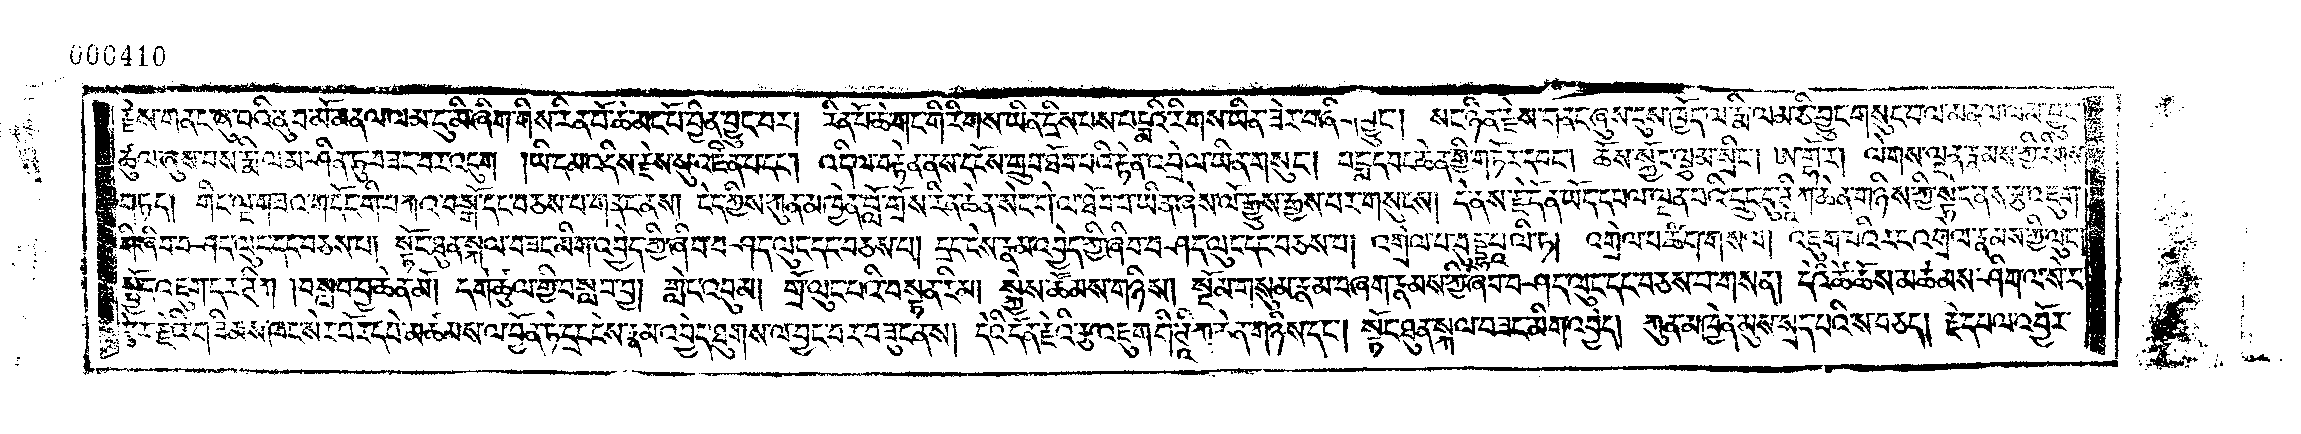རྗེས་གནང་ཞུ་བའི་ནུབ་མོ་མནལ་ལམ་དུ་མི་ཞིག་གིས་རིན་པོ་ཆེ་མང་པོ་བྱིན་བྱུང་བར། རིན་པོ་ཆེ་གང་གི་རིགས་ཡིན་དྲིས་པས་པདམའི་རིགས་ཡིན་ཟེར་བ་ཞིག་བྱུང་། སང་ཉིན་རྗེས་གནང་ཞུས་དུས་ཁྱོད་ལ་རྨི་ལམ་ཅི་བྱུང་གསུང་བ་ལ་མནལ་ལམ་བྱུང་
ཚུལ་ཞུས་པས་རྨི་ལམ་ཤིན་ཏུ་བཟང་བར་འདུག །ཡི་དམ་འདིས་རྗེས་སུ་འཛིན་པ་དང་། འདི་ལ་བརྟེན་ནས་དངོས་གྲུབ་ཐོབ་པའི་རྟེན་འབྲེལ་ཡིན་གསུང་། པདམ་དབང་ཆེན་གྱི་གཏོར་དབང་། ཆོས་སྐྱོང་ལྕམ་སྲིད། ཨ་གྷོ་ར། ལེགས་ལྡན་རྣམས་ཀྱི་རིགས་
གཏད། གིང་ལྔ་གཟའ་གདོང་གི་བཀའ་བསྒོ་དང་བཅས་པ་གནང་ནས། ངེད་ཀྱིས་ཀུན་མཁྱེན་བློ་གྲོས་རིན་ཆེན་སེངྒེ་ལ་ཐོབ་པ་ཡིན་ཞེས་ལོ་རྒྱུས་རྒྱས་པར་གསུངས། དེ་ནས་རྗེ་དོན་ཡོད་དཔལ་ལྡན་པའི་དྲུང་དུ་ཊཱིཀ་ཆེན་གཉིས་ཀྱི་སྟེང་ནས་རྩ་འཇུག་
གི་ཞིབ་བཤད་ལུང་དང་བཅས་པ། སྟོང་ཐུན་སྐལ་བཟང་མིག་འབྱེད་ཀྱི་ཞིབ་བཤད་ལུང་དང་བཅས་པ། དྲང་ངེས་རྣམས་འབྱེད་ཀྱི་ཞིབ་བཤད་ལུང་དང་བཅས་པ། འགྲེལ་པ་བུདྡྷ་པཱ་ལི་ཏ། འགྲེལ་པ་ཚིག་གསལ། འཇུག་པའི་རང་འགྲེལ་རྣམས་ཀྱི་ལུང་
སྤྱོད་འཇུག་དར་ཊིཀ །བསླབ་བྱ་ཆེན་མོ། དགེ་ཚུལ་གྱི་བསླབ་བྱ། གླེང་འབུམ། གྲོ་ལུང་པའི་བསྟན་རིམ། སྐྱེས་ཚོམས་གཉིས། སྔོམ་གསུམ་རྣམ་བཞག་རྣམས་ཀྱི་ཞིབ་བཤད་ལུང་དང་བཅས་པ་གསན། དེའི་ཚེ་ཆོས་མཚམས་ཤིག་ལ་སེ་ར་
རྩེར་རྗེའི་གཟིམས་ཁང་སེར་པོར་དཔེ་མཚམས་ལ་བྱོན་ཏེ་དྲང་ངེས་རྣམ་འབྱེད་ཐུགས་ལ་བྱང་བར་བཟུང་ནས། དེའི་དོན་རྗེའི་རྩ་འཇུག་གི་ཊཱིཀ་ཆེན་གཉིས་དང་། སྟོང་ཐུན་སྐལ་བཟང་མིག་འབྱེད། ཀུན་མཁྱེན་མུས་སྲད་པའི་ས་བཅད། རྗེ་དཔལ་འབྱོར་